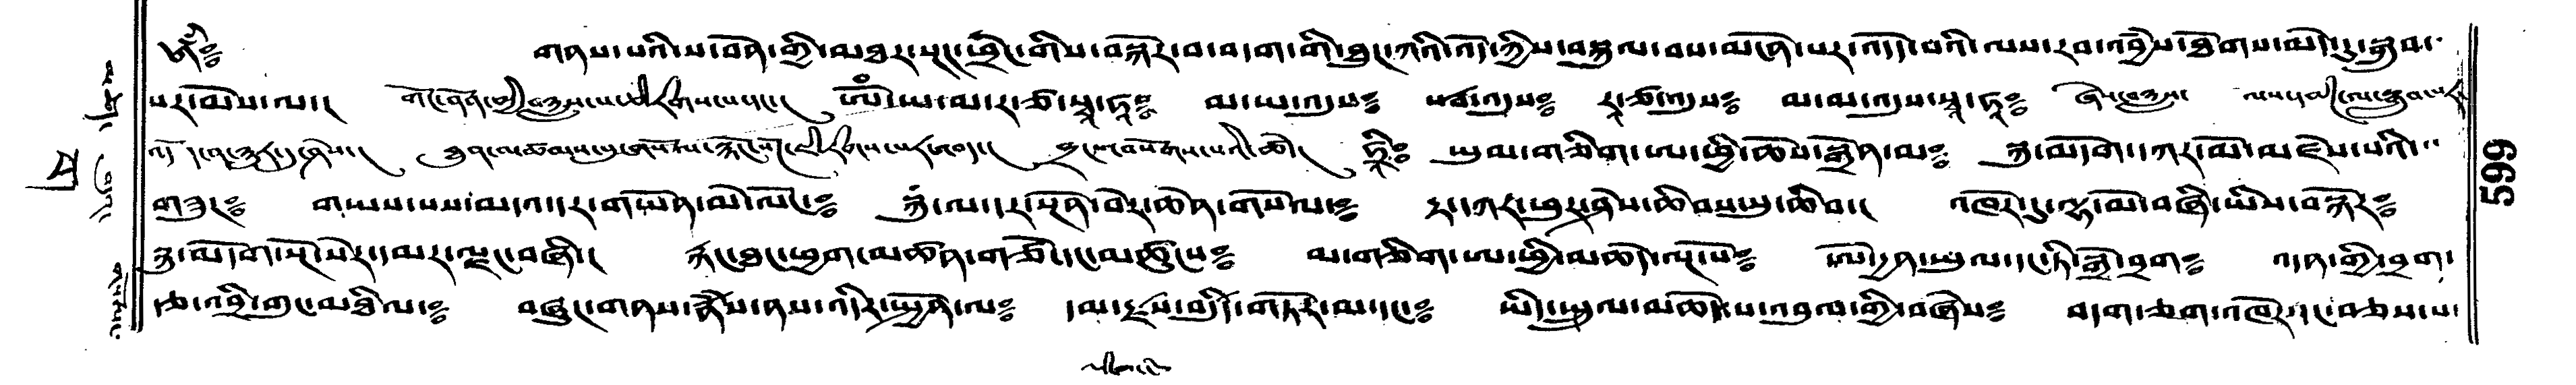གནས་པའི་ས་བོན་གྱི་མཐར་སྔགས་ཕྲེང་གིས་བསྐོར་བ་བདག་གི་ཐུགས་ཀའི་འོད་ཀྱིས་བསྐུལ་བས་མངོན་པར་འདོད་པའི་ལས་རབ་འབྱམས་ཐོགས་མེད་དུ་སྒྲུབ་
པར་མོས་ལ། གོང་ནོན་གྱི་བཟླས་པ་ཅི་རིགས་པ་དང་། ཨོཾ་ཡ་མ་ར་ཙ་སྭ་ཧཱཿ མ་ཡ་འདུསཿ རཱ་ཙ་འདུསཿ མ་མ་འདུས་སྭ་ཧཱཿ ཞེས་བཟླ། ལས་དམིགས་ལ་སྒྲུབ་པར་
འདོད་ན་ཟུར་དུ་ཤེས། ཐུན་མཚམས་སུ་གསོལ་སྐོང་སོགས་ཅི་རིགས་པར་འབད། གྲངས་གསོག་པའི་ཚེ། ཧྲཱི༔ ཡུམ་གཅིག་ཨ་ཕྱི་ཆོས་སྒྲོན་མ། །སྐུ་མདོག་དཀར་མོ་མཛེས་པའི་
གཟུགས། །གཡས་པས་མདའ་དར་གཡོན་མེ་ལོང་། །སྐུ་ལ་དར་སྔོན་བེར་ཆེན་གསོལ། །རྟ་དཀར་ཕུར་ཤེས་ཆིབས་སུ་བཅིབས། །འཁོར་དུ་ལྷ་མོ་བཞི་ཡིས་བསྐོར། །
སྐུ་མདོག་སྔོ་སེར་དམར་ལྗང་བཞི། །རྐང་ཐང་ཕྱག་མཚན་གཙོ་དང་མཚུངས། །མ་གཅིག་ཨ་ཕྱི་མཆེད་ལྔ་པོ། །ཨོ་རྒྱན་ཡུལ་དང་ཏི་སྒྲོ་བྲག །འདན་གྱི་བྲག་
རྩ་འབྲི་གུང་མཐིལ། །བཞུགས་གནས་རྣམས་ནས་འདིར་སྤྱོན་ལ། །དམ་རྫས་བདུད་རྩི་གཏོར་མ་དང་། །ཡིད་སྤྲུལ་མཆོད་པ་འབུལ་གྱི་བཞེས། །བདག་ཅག་འཁོར་དང་བཅས་པ་༼